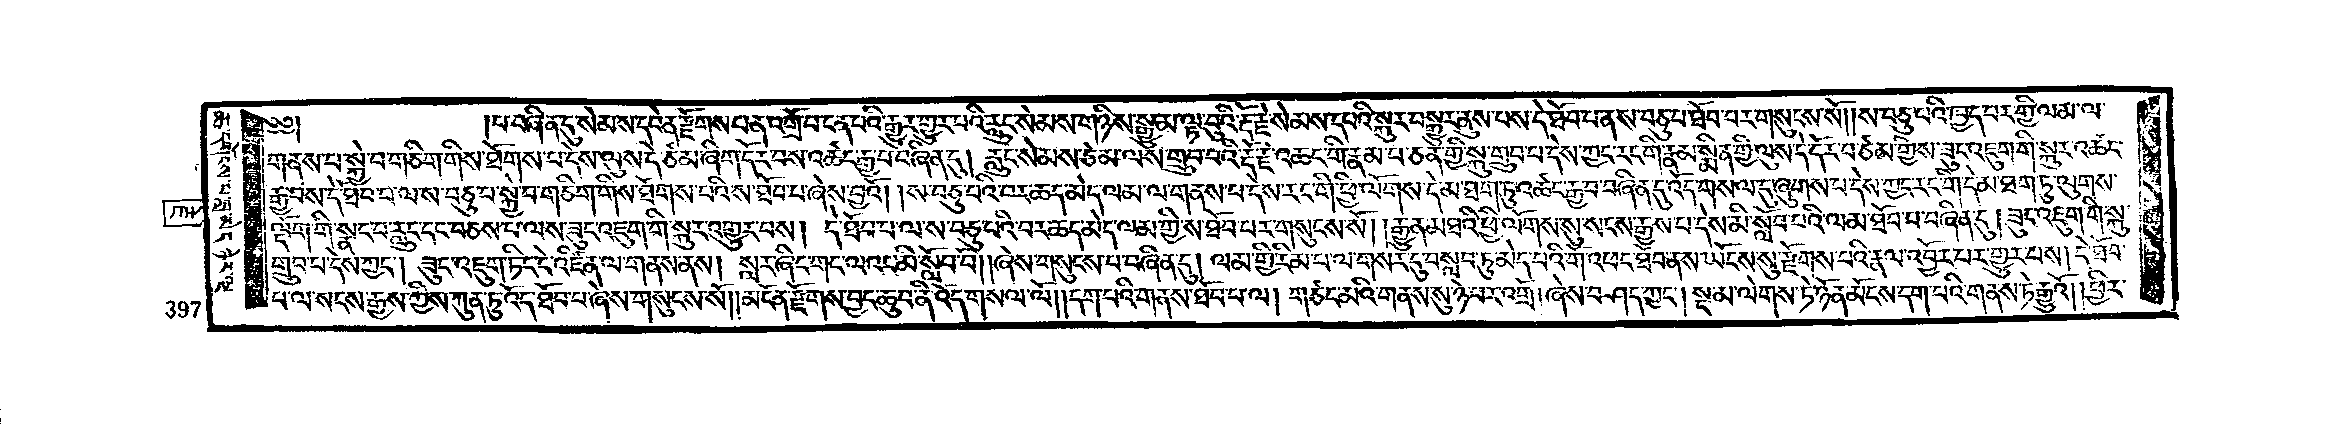༄༅། །པ་བཞིན་དུ་སེམས་དབེན་རྫོགས་པ་ན་འགྲོ་བ་ངན་པའི་རྒྱུར་གྱུར་པའི་རླུང་སེམས་གཉིས་སྒྱུ་མ་ལྟ་བུའི་རྡོ་རྗེ་སེམས་དཔའི་སྐུར་བསྒྱུར་ནུས་པས་དེ་ཐོབ་པ་ན་ས་བཅུ་པ་ཐོབ་པར་གསུངས་སོ། །ས་བཅུ་པའི་ཁྱད་པར་གྱི་ལམ་ལ་
གནས་པ་སྐྱེ་བ་གཅིག་གིས་ཐོགས་པ་དེས་ལུས་དེ་ཙམ་ཞིག་དོར་བས་འཚང་རྒྱ་བ་བཞིན་དུ། རླུང་སེམས་ཙམ་ལས་གྲུབ་པའི་རྡོ་རྗེ་འཆང་གི་རྣམ་པ་ཅན་གྱི་སྐུ་གྲུབ་པ་དེས་ཀྱང་རང་གི་རྣམ་སྨིན་གྱི་ལུས་དེ་དོར་བ་ཙམ་གྱིས་ཟུང་འཇུག་གི་སྐུར་འཚང་
རྒྱ་བས་དེ་ཐོབ་པ་ལ་ས་བཅུ་པ་སྐྱེ་བ་གཅིག་གིས་ཐོགས་པའི་ས་ཐོབ་པ་ཞེས་བྱའོ། །ས་བཅུ་པའི་བར་ཆད་མེད་ལམ་ལ་གནས་པ་དེས་རང་གི་ཕྱི་ལོགས་དེ་མ་ཐག་ཏུ་འཚང་རྒྱ་བ་བཞིན་དུ་འོད་གསལ་དུ་ཞུགས་པ་དེས་ཀྱང་རང་གི་དེ་མ་ཐག་ཏུ་ལུགས་
ལྡོག་གི་སྣང་བ་རླུང་དང་བཅས་པ་ལས་ཟུང་འཇུག་གི་སྐུར་འགྱུར་བས། དེ་ཐོབ་པ་ལ་ས་བཅུ་པའི་བར་ཆད་མེད་ལམ་གྱི་ས་ཐོབ་པར་གསུངས་སོ། །རྒྱུན་མཐའི་ཕྱི་ལོགས་སུ་སངས་རྒྱས་པ་དེས་མི་སློབ་པའི་ལམ་ཐོབ་པ་བཞིན་དུ། ཟུང་འཇུག་གི་སྐུ་
གྲུབ་པ་དེས་ཀྱང་། ཟུང་འཇུག་ཏིང་ངེ་འཛིན་ལ་གནས་ནས། སླར་ཞིང་གང་ལའང་མི་སློབ་པོ། །ཞེས་གསུངས་པ་བཞིན་དུ། ལམ་གྱི་རིམ་པ་ལ་གསར་དུ་བསླབ་ཏུ་མེད་པའི་གོ་འཕང་ཐོབ་ནས་ཡོངས་སུ་རྫོགས་པའི་རྣལ་འབྱོར་པར་གྱུར་པས། དེ་ཐོབ་
པ་ལ་སངས་རྒྱས་ཀྱིས་ཀུན་ཏུ་འོད་ཐོབ་པ་ཞེས་གསུངས་སོ། །མངོན་རྫོགས་བྱང་ཆུབ་ནི་འོད་གསལ་ལོ། །དག་པའི་གནས་ཐོབ་པ་ལ། གཙང་མའི་གནས་སུ་ཉེ་བར་འགྲོ། ཞེས་བཤད་ཀྱང་། སྔ་མ་ལེགས་ཏེ་ཉོན་མོངས་དག་པའི་གནས་ཏེ་རྒྱུའོ། །ཕྱིར་